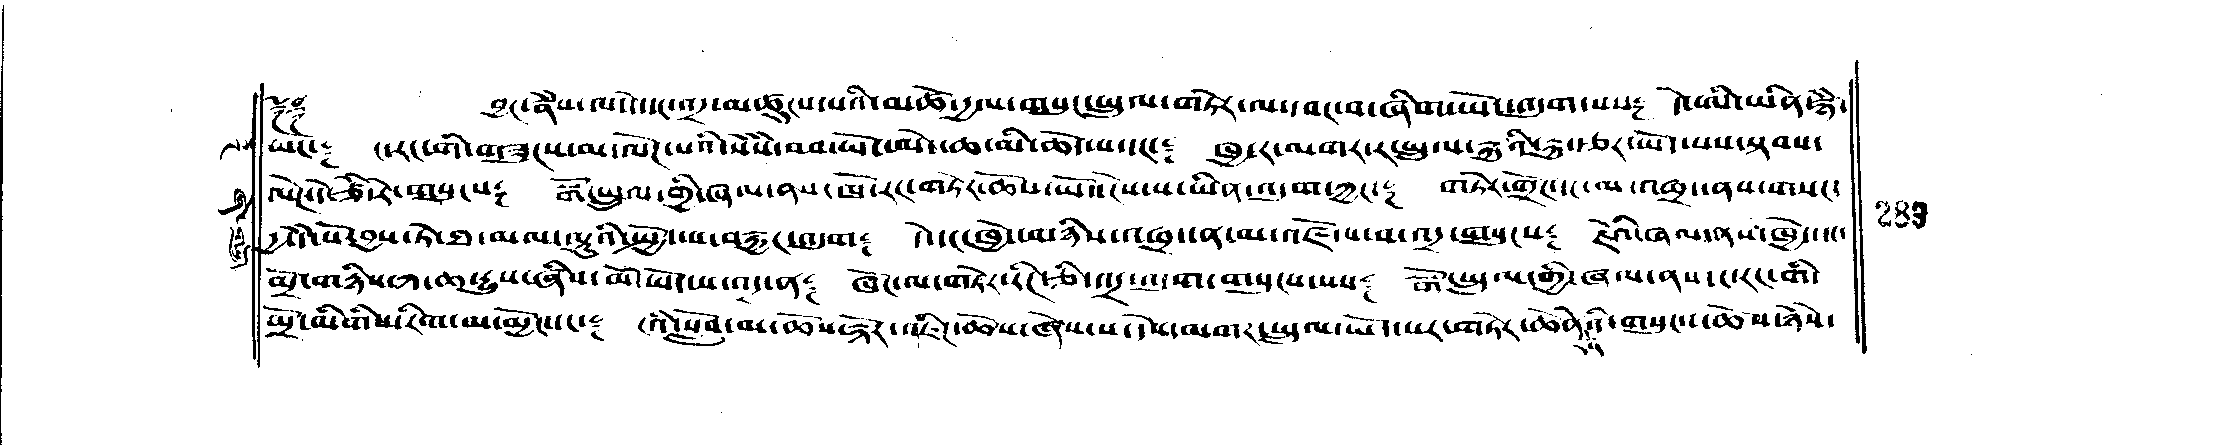བྱང་རྣམས་ལ་དེ་དང་འདྲ་མཚུངས་པའི་མཚོ་རྒྱལ་གསུང་སྤྲུལ་གཏེར་ལ་དབང་བ་ཞིག་ཡོད་འདུག་པས། དེ་ཨི་ཡིན་སྙམ་
ཡང་། ང་རང་གི་གཟུངས་མ་ལེགས་པའི་སེམས་བབ་ཡོད་མེད་ཆ་མི་ཆོད་པ་དང་། ཁྱད་པར་མགར་ར་སྤྲུལ་སྐུའི་སྐུ་རྩར་ཡོད་པས་སྟབས་
ལེགས་དེ་ཙམ་རེ་གསུངས། སྒོ་སྤྲུལ་གྱི་ཞལ་ནས་ཁོ་རང་གཏེར་ཆོས་ཡོད་ངེས་པ་ཡིན་འདུག་ཀྱང་། གཏེར་གྲོགས་དང་མ་འཕྲད་ནས་གསང་
རྒྱ་དམ་པོ་བྱས་ཏེ་ཐ་མལ་ལྟ་བུའི་སྤྱོད་པ་བསྐྱང་འདུག དེ་དང་ཁྱེད་གཉིས་འཕྲད་ན་མ་འཛོལ་བ་འདྲ་གསུངས། རྗེའི་ཞལ་ནས་ཁྱོད་དང་
མཁའ་འགྲོ་གཉིས་ཀ་ཆ་རྒྱུས་ཞིབ་མོ་ཡོད་པ་འདྲ་ན། ཁོང་ལ་གཏེར་རིགས་ཅི་འདྲ་འདུག་གསུངས་པས། སྒོ་སྤྲུལ་གྱི་ཞལ་ནས་ང་རང་གི་
མཁའ་འགྲོ་མིག་གིས་རིག་མ་མྱོང་དང་། ངའི་སློབ་མ་ཆོས་སྐོར་འཇིགས་ཆོས་ཞེས་པ་དེས་མགར་སྤྲུལ་ཡོད་སར་གཏེར་ཆེན་རིན་པོ་ཆེའི་གསུངས་ཆོས་ཉམས་